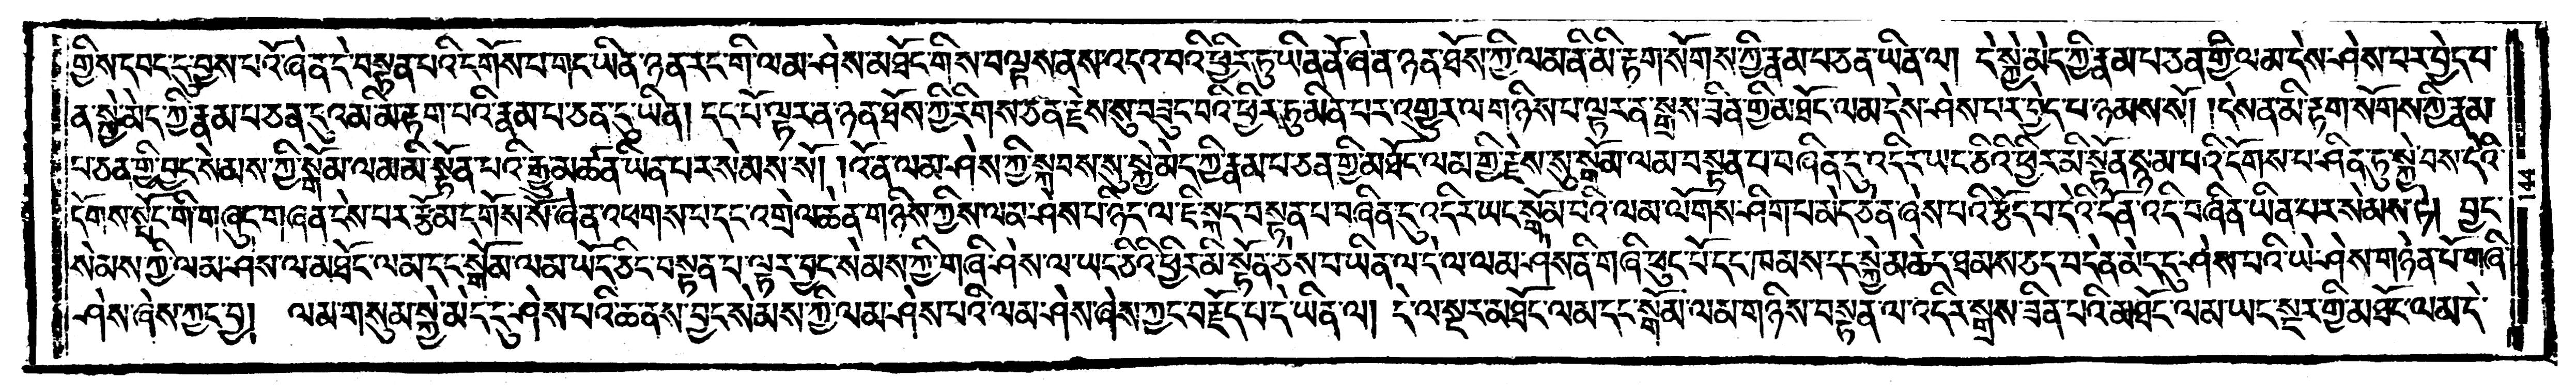གྱིས་དབང་དུ་བྱས་པའོ་ཞེ་ན་དེ་བསྟན་པའི་དགོས་པ་གང་ཡིན་ཉན་རང་གི་ལམ་ཤེས་མཐོང་གིས་བལྟས་ནས་འདའ་བའི་ཕྱིར་ཏུ་ཡིན་ནོ་ཞེ་ན་ཉན་ཐོས་ཀྱི་ལམ་ནི་མི་རྟག་སོགས་ཀྱི་རྣམ་པ་ཅན་ཡིན་ལ། དེ་སྐྱེ་མེད་ཀྱི་རྣམ་པ་ཅན་གྱི་ལམ་དེས་ཤེས་པར་བྱེད་པ་
ན་སྐྱེ་མེད་ཀྱི་རྣམ་པ་ཅན་དུའམ་མི་རྟག་པའི་རྣམ་པ་ཅན་དུ་ཡིན། དང་པོ་ལྟར་ན་ཉན་ཐོས་ཀྱི་རིགས་ཅན་རྗེས་སུ་བཟུང་བའི་ཕྱིར་ཏུ་མིན་པར་འགྱུར་ལ་གཉིས་པ་ལྟར་ན་སྒྲས་ཟིན་གྱི་མཐོང་ལམ་དེས་ཤེས་པར་བྱེད་པ་ཉམས་སོ། །དེས་ན་མི་རྟག་སོགས་ཀྱི་རྣམ་
པ་ཅན་གྱི་བྱང་སེམས་ཀྱི་སྒོམ་ལམ་མི་སྟོན་པའི་རྒྱུ་མཚན་ཡིན་པར་སེམས་སོ། །འོ་ན་ལམ་ཤེས་ཀྱི་སྐབས་སུ་སྐྱེ་མེད་ཀྱི་རྣམ་པ་ཅན་གྱི་མཐོང་ལམ་གྱི་རྗེས་སུ་སྒོམ་ལམ་བསྟན་པ་བཞིན་དུ་འདིར་ཡང་ཅིའི་ཕྱིར་མི་སྟོན་སྙམ་པའི་དོགས་པ་ཤིན་ཏུ་སྐྱེ་བས་དེའི་
དོགས་སྤོང་གི་གཞུང་གཞན་ངེས་པར་རྩོམ་དགོས་སོ་ཞེ་ན་འཕགས་པ་དང་འགྲེལ་ཆེན་གཉིས་ཀྱིས་ལམ་ཤེས་པ་ཉིད་ལ་ཇི་སྐད་བསྟན་པ་བཞིན་དུ་འདིར་ཡང་སྒོམ་པའི་ལམ་ལོགས་ཤིག་པ་མེད་ཅེ་ན་ཞེས་པའི་རྩོད་པ་དེའི་དོན་འདི་བཞིན་ཡིན་པར་སེམས་ཏེ། བྱང་
སེམས་ཀྱི་ལམ་ཤེས་ལ་མཐོང་ལམ་དང་སྒོམ་ལམ་ཡོད་ཅིང་བསྟན་པ་ལྟར་བྱང་སེམས་ཀྱི་གཞི་ཤེས་ལ་ཡང་ཅིའི་ཕྱིར་མི་སྟོན་ཅེས་པ་ཡིན་ལ་དེ་ལ་ལམ་ཤེས་ནི་གཞི་ཕུང་པོ་དང་ཁམས་དང་སྐྱེ་མཆེད་ཐམས་ཅད་བདེན་མེད་དུ་ཤེས་པའི་ཡེ་ཤེས་གཉེན་པོ་གཞི་
ཤེས་ཞེས་ཀྱང་བྱ། ལམ་གསུམ་སྐྱེ་མེད་དུ་ཤེས་པའི་ཆ་ནས་བྱང་སེམས་ཀྱི་ལམ་ཤེས་པའི་ལམ་ཤེས་ཞེས་ཀྱང་བརྗོད་པ་དེ་ཡིན་ལ། དེ་ལ་སྔར་མཐོང་ལམ་དང་སྒོམ་ལམ་གཉིས་བསྟན་ལ་འདིར་སྒྲས་ཟིན་པའི་མཐོང་ལམ་ཡང་སྔར་གྱི་མཐོང་ལམ་དེ་